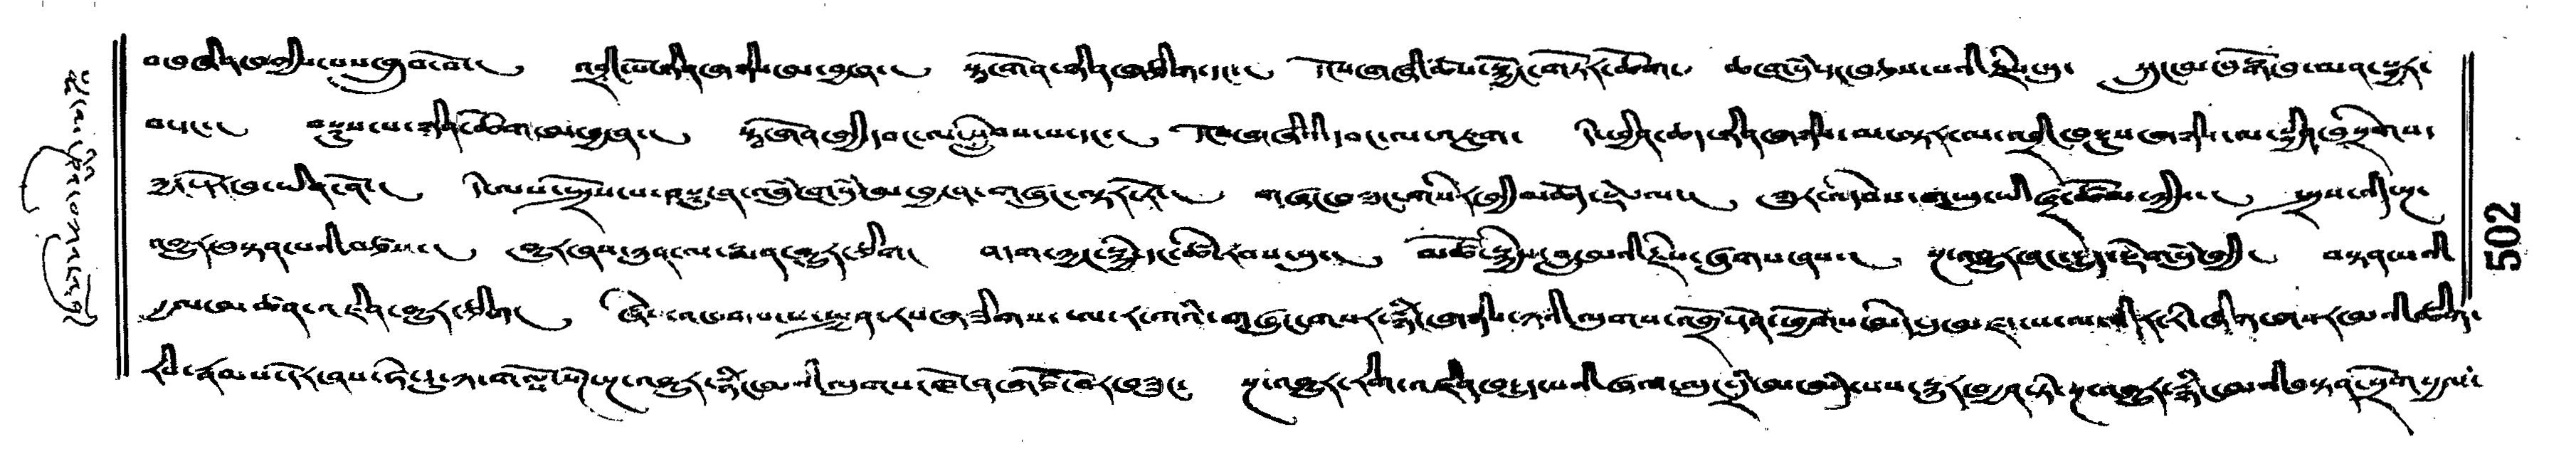བ་བཞིན་བགྱིས་པས་གྲུབ་བོ། འབྲིང་པོ་ཉིན་གཉིས་མ་བྱ་ན། སྟ་གོན་ཉིན་གཅིག་དང་། དངོས་གཞི་ཆོས་སྐྱོང་གཏོར་ཆོག ཆ་གསུམ་དང་བཅས་པའི་རྗེས་སུ། སྲུང་མ་བསྒོ་བ་མན་སྦྱར་
བ་དང་། བསྡུས་པ་ཉིན་ཆོག་མ་བྱ་ན།སྟ་གོན་གྱི་དབང་ལ་སླེབས་པ་དང་། དངོས་གཞིའི་དབང་ལ་འཇུག དེ་ཕྱིན་ཆད་ཉིན་གཉིས་མ་ལྟར་ལ་འབྲིང་བསྡུས་གཉིས་ལ་སྦྱིན་བསྲེག་
ཀྱང་དོར་བ་ཡིན་ནོ། དེ་ལས་སྤྲོས་པ་བསྡུ་ན་འབྲུམ་གསུམ་མ་བྱ་ན་གཞུང་ལྟར་རོ། གཞུང་བཟང་གསེར་གྱི་མཆོད་སྡོང་ལ། །ཟུར་འདེབས་གཡུ་ཡི་ཁྲ་ཚོམ་གྱིས། །སྤྲས་འདི་སྔ་
འགྱུར་བསྟན་པའི་བཙས། །གྱུར་ནས་ཀུན་ལ་སྨན་གྱུར་ཅིག །བདག་ཀྱང་སྐྱེ་དང་ཚེ་རབས་སུ། །མཚོ་སྐྱེས་བླ་མའི་རྗེས་ཞུགས་ནས། །སྔ་འགྱུར་ནང་རྒྱུད་སྡེ་གསུམ་གྱི། །བསྟན་པའི་
རྒྱལ་མཚན་འཛིན་གྱུར་ཅིག ཞེས་འཕགས་པ་སྤྱན་རས་གཟིགས་ཨ་ར་གའི་གཞུང་གསར་རྙིང་གཉིས་ཀའི་ལུགས་འགྲོ་དོན་ཕྱོགས་མེད་དུ་མཛད་པ་ལ་འདིར་རེ་ཞིག་གསར་མའི་ཚིག་
རིས་རྣམས་དོར་ནས་ཧེ་རུ་ཀ་གལྤོ་སོགས་སྔ་འགྱུར་རྙིང་མའི་ལུགས་ཁོ་ན་གཙོ་བོར་བཟུང་། སྔ་འགྱུར་རིག་འཛིན་བརྒྱུད་པའི་ཞལ་ལུང་དྲི་མ་མེད་པས་ཟུར་བརྒྱན་ཏེ་སྔ་འགྱུར་རྙིང་མའི་བསྟན་སྲོག་རྒྱལ་